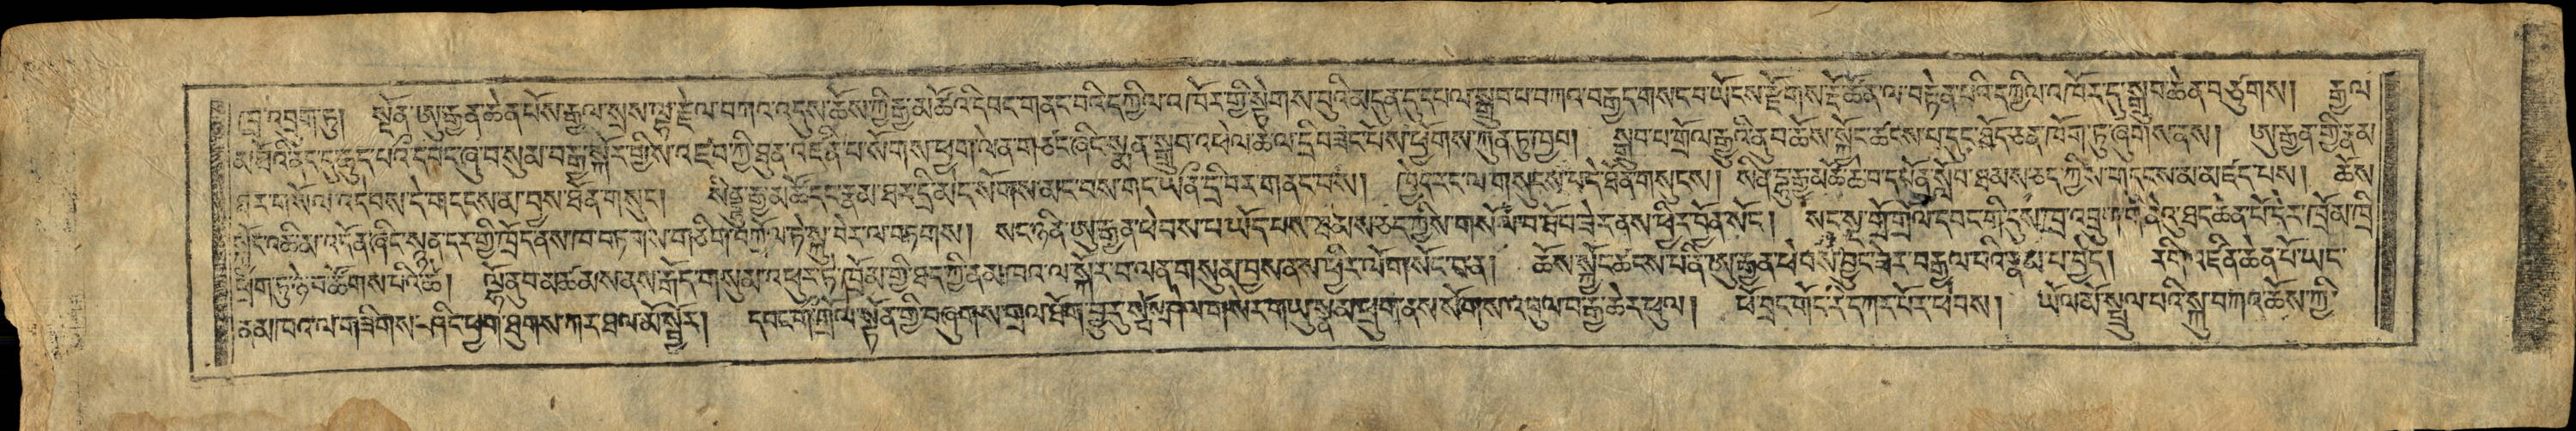ཁྲ་འབྲུག་ཏུ། སྔོན་ཨུ་རྒྱན་ཆེན་པོས་རྒྱལ་སྲས་ལྷ་རྗེལ་བཀའ་འདུས་ཆོས་ཀྱི་རྒྱ་མཚོའི་དབང་གནང་བའི་དཀྱིལ་འཁོར་གྱི་སྟེགས་བུའི་མདུན་དུ་དཔལ་སྒྲུབ་པ་བཀའ་བརྒྱད་གསང་བ་ཡོངས་རྫོགས་རྡོ་ཚོན་ལ་བརྟེན་པའི་དཀྱིལ་འཁོར་དུ་སྒྲུབ་ཆེན་བཅུགས། རྒྱལ་
མཐོའི་ནང་དུ་ཆུད་པའི་དབང་ཞུ་བ་སུམ་བརྒྱ་སྐོར་གྱིས་འཛབ་ཀྱི་ཐུན་འཛིན་པ་སོགས་ཕྱག་ལེན་གཙང་ཞིང་སྨན་སྒྲུབ་འཕེལ་ཆ་ལ་དྲི་བཟང་པོས་ཕྱོགས་ཀུན་ཏུ་ཁྱབ། སྒྲུབ་པ་གྲོལ་རྒྱུའི་ནུབ་ཆོས་སྐྱོང་ཆངས་པ་དུང་ཐོད་ཅན་ཁོག་ཏུ་ཞུགས་ནས། ཨུ་རྒྱན་གྱི་རྣམ་
ཐར་གསོལ་འདེབས་དེ་གདངས་མ་བྱས་ཐོན་གསུང་། སིནྡྷུ་རྒྱ་མཚོ་དང་རྣམ་ཐར་དྲི་མེད་སོགས་མང་བས་གང་ཡྀན་དྲི་བར་གནང་བས། ཁྱེད་རང་ལ་གསུངས་པ་དེ་ཐོན་གསུངས། སིན་དྷུ་རྒྱ་མཚོ་ཆེ་བ་དཔོན་སློབ་ཐམས་ཅད་ཀྱིས་གདངས་མ་མཛད་པས། ཆོས་
སྐྱོང་འཆིམ་འདོན་ཞིང་སྙན་དར་གྱི་ཁྲོད་ནས་ཁ་བཏགས་གཅིག་བཀྲོལ་ཏེ་སྐུ་བེར་ལ་བཏགས། སང་ཉིན་ཨུ་རྒྱན་ཕེབས་པ་ཡོད་པས་ཐམས་ཅད་ཀྱིས་གསོལ་བ་ཐོབ་ཟེར་ནས་ཕྱིར་བྱོན་སོང་། སང་སྔ་གྲོ་གྲོལ་དབང་གི་དུས་ཁྲ་འབྲུག་གི་ནེའུ་ཐང་ཆེན་པོ་དེར་ཁྲོམ་ཁྲི་
ཕྲག་ཏུ་ཉེ་བ་ཚོགས་པའི་ཚེ། ལྷོ་ནུབ་མཆམས་ནས་རྒོད་གསུམ་འཕུར་ཏེ་ཁྲོམ་གྱི་ཐད་ཀྱི་ནམ་མཁའ་ལ་སྐོར་བ་ལན་གསུམ་བྱས་ནས་ཕྱིར་ལོག་སོང་བ་ན། ཆོས་སྐྱོང་ཚངས་པ་ནི་ཨུ་རྒྱན་ཕེབས་བྱུང་ཟོར་བརྒྱལ་བའི་རྣམ་པ་བྱེད། རིག་འཛིན་ཆེན་པོ་ཡང་
ནམ་མཁའ་ལ་གཟིགས་ཤིང་ཕྱག་ཐུགས་ཀར་ཐལ་མོ་སྦྱོར། དབང་གྀ་གྲོལ་སྟོན་གྱི་བཞུགས་གྲལ་ཐོག་བྱུ་རུ་སྦོས་ཤེལ་གསེར་གཡུ་སྣམ་ཕྲུག་ནས་སོགས་འབུལ་བ་རྒྱ་ཆེར་ཕུལ། ཕོ་བྲང་གོང་?་རི་དཀར་བོས་ཕེབས། ཡོལ་མོ་སྦྲུལ་པའི་སྐུ་བཀའ་ཆོས་ཀྱི་